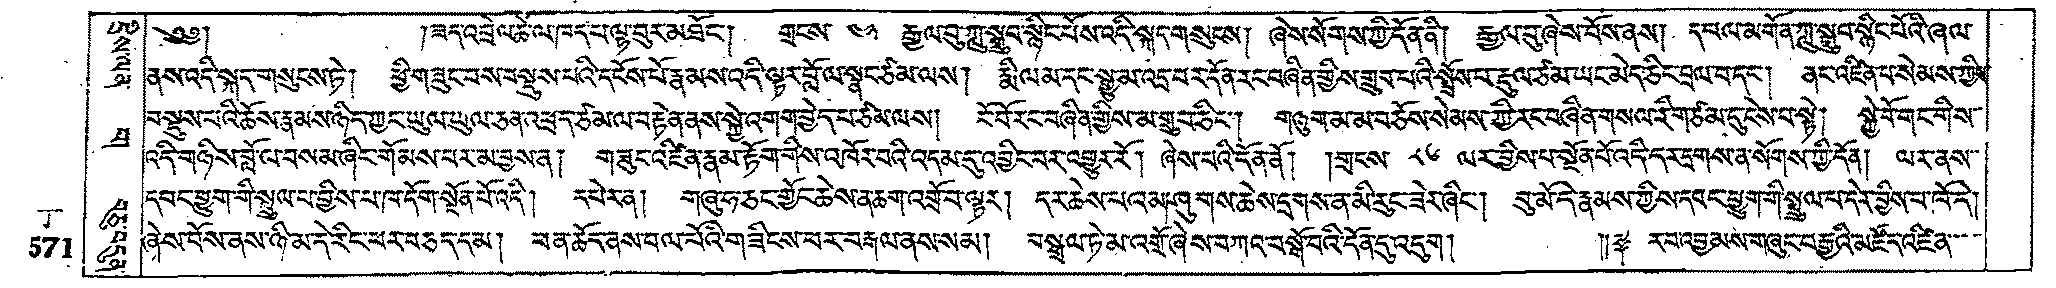༄༅། །ཟད་འབྲེལ་ཆེ་ལ་ཁད་པ་ལྟ་བུར་མཐོང་། གྲངས ༤༢་རྒྱལ་བུ་ཀླུ་སྒྲུབ་སྙིང་པོས་འདི་སྐད་གསུངས། ཞེས་སོགས་ཀྱི་དོན་ནི། རྒྱལ་བུ་ཞེས་བོས་ནས། དཔལ་མགོན་ཀླུ་སྒྲུབ་སྙིང་པོའི་ཞལ་
ནས་འདི་སྐད་གསུངས་ཏེ། ཕྱི་གཟུང་བས་བསྡུས་པའི་དངོས་པོ་རྣམས་འདི་ལྟར་བློ་ལ་སྣང་ཙམ་ལས། རྨི་ལམ་དང་སྒྱུ་མ་འདྲ་བར་དོན་རང་བཞིན་གྱིས་གྲུབ་པའི་སྤྲོས་པ་རྡུལ་ཙམ་ཡང་མེད་ཅིང་བྲལ་བ་དང་། ནང་འཛིན་པ་སེམས་ཀྱིས་
བསྡུས་པའི་ཆོས་རྣམས་ཉིད་ཀྱང་ཡུལ་ཡུལ་ཅན་འཕྲད་ཙམ་ལ་བརྟེན་ནས་སྐྱེ་འགག་བྱེད་པ་ཙམ་ལས། ངོ་བོ་རང་བཞིན་གྱིས་མ་གྲུབ་ཅིང་། གཉུག་མ་མ་བཅོས་སེམས་ཀྱི་རང་བཞིན་གསལ་རིག་ཙམ་དུ་ངེས་པ་སྟེ། སྐྱེ་བོ་གང་གིས་་་
འདི་གཉིས་བློ་ལ་བསམ་ཞིང་གོམས་པར་མ་བྱས་ན། གཟུང་འཛིན་རྣམ་རྟོག་གིས་འཁོར་བའི་འདམ་དུ་འབྱིང་བར་འགྱུར་རོ། ཞེས་པའི་དོན་ནོ། །གྲངས ༨༦་ལར་བྱིས་པ་སྔོན་པོ་འདི་དར་དྲགས་ན་སོགས་ཀྱི་དོན། ལར་ནས་་་
དབང་ཕྱུག་གི་སྤྲུལ་པ་བྱིས་པ་ཁ་དོག་སྔོན་པོ་འདི། དཔེར་ན། གཞུ་ཧ་ཅང་གྱོང་ཆེས་ན་ཆག་འགྲོ་བ་ལྟར། དར་ཆེས་པའམ་ཤུགས་ཆེས་དྲགས་ན་མི་རུང་ཟེར་ཞིང་། བུ་མོ་དེ་རྣམས་ཀྱིས་དབང་ཕྱུག་གི་སྤྲུལ་པ་དེར་བྱིས་པ་ཁོ་དེ།
ཞེས་བོས་ནས་ཉི་མ་དེ་རིང་ཕར་བཅད་དམ། ཕན་ཆོད་ནས་བལ་པོའི་གཟིངས་ཕར་བརྒལ་ནས་སམ། བསྒྲལ་ཏེ་མ་འགྲོ་ཞེས་བཀའ་བསྒོ་བའི་དོན་དུ་འདུག། །། ༈ རབ་འབྱམས་གཞུང་བརྒྱའི་མཛོད་འཛིན་་་